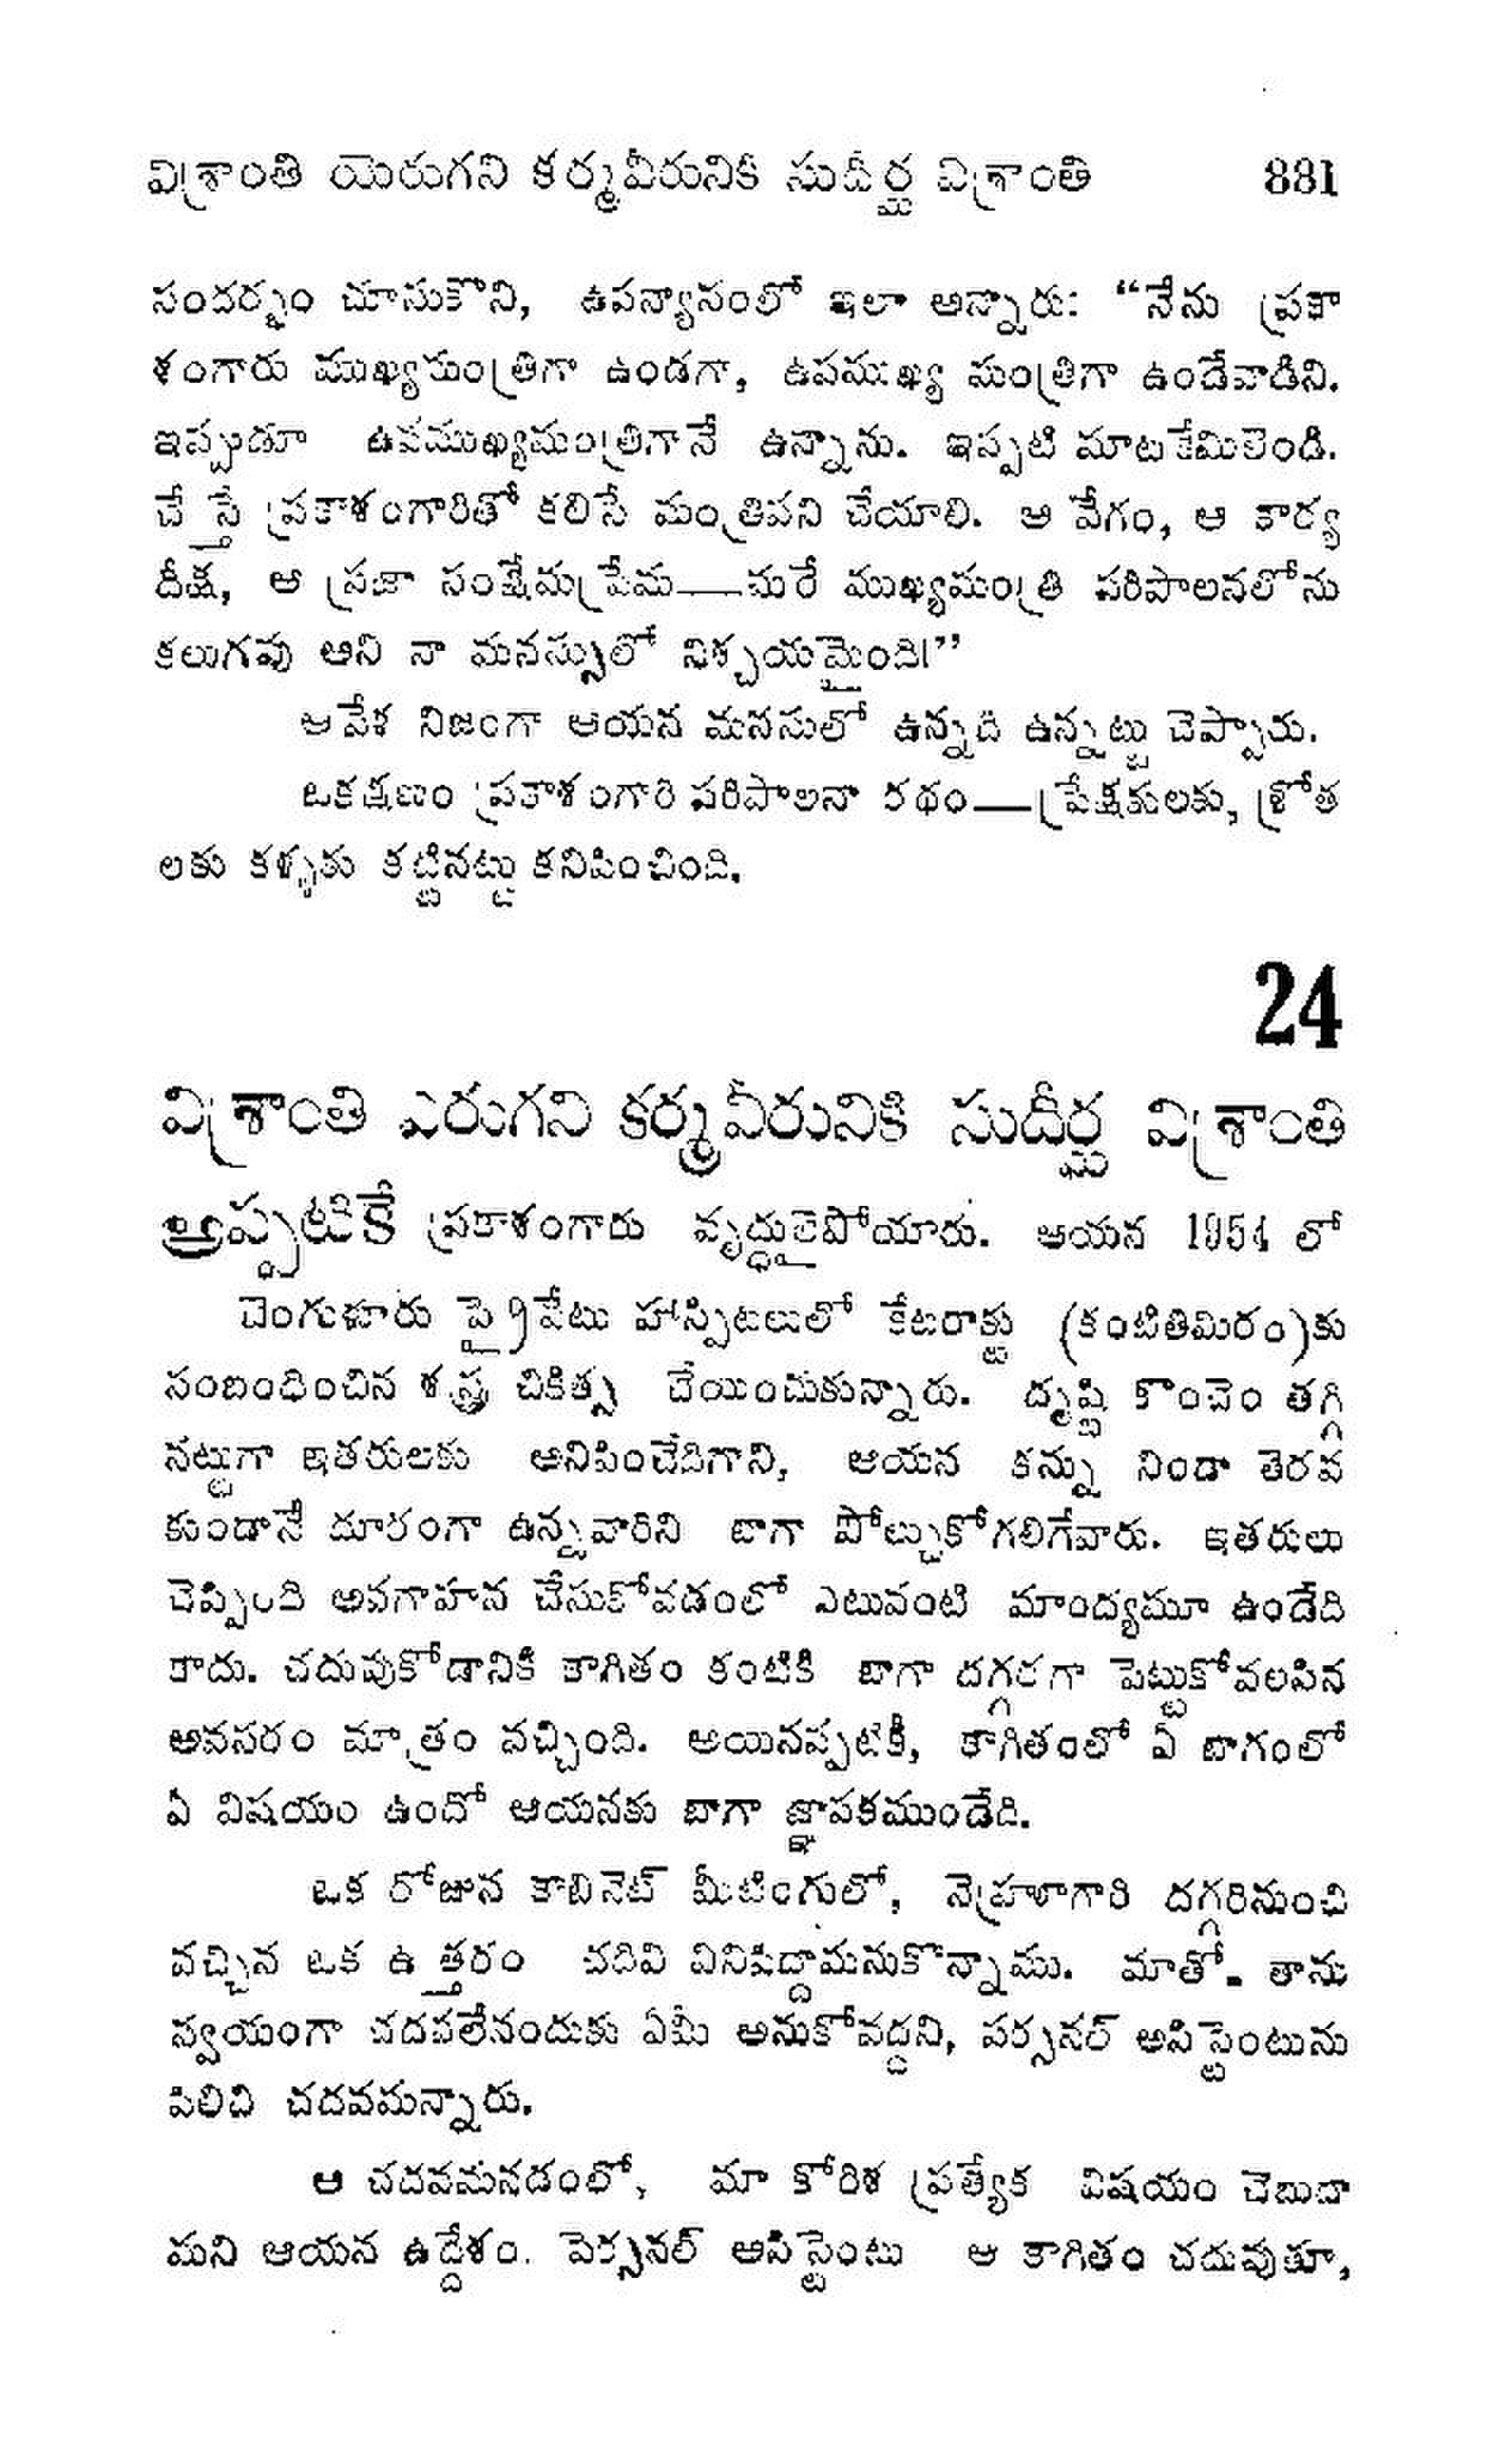సందర్బం చూసుకొని, ఉపన్యాసంలో ఇలా అన్నారు. "నేను ప్రకాశంగారు ముఖ్యమంత్రిగా ఉండగా, ఉపముఖ్య మంత్రిగా ఉండేవాడిని. ఇప్పుడూ ఉపముఖ్యమంత్రిగానే ఉన్నాను. ఇప్పటి మాటకేమిలెండి. చేస్తే ప్రకాశంగారితో కలిసే మంత్రిపని చేయాలి. ఆ వేగం, ఆ కార్యదీక్ష, ఆ ప్రజా సంక్షేమప్రేమ - మరే ముఖ్యమంత్రి పరిపాలనలోను కలుగవు అని నా మనస్సులో నిశ్చయమైంది!"

ఆవేళ నిజంగా ఆయన మనసులో ఉన్నది ఉన్నట్టు చెప్పారు.

ఒకక్షణం ప్రకాశంగారి పరిపాలనా రథం - ప్రేక్షకులకు, శ్రోతలకు కళ్ళలు కట్టినట్టు కనిపించింది.

అప్పటికే ప్రకాశంగారు వృద్ధులైపోయారు. ఆయన 1954 లో బెంగుళూరు ప్రైవేటు హాస్పిటలులో కేటరాక్టు (కంటితిమిరం)కు సంబంధించిన శస్త్ర చికిత్స చేయించుకున్నారు. దృష్టి కొంచెం తగ్గినట్టుగా ఇతరులకు అనిపించేదిగాని, ఆయన కన్ను నిండా తెరవకుండానే దూరంగా ఉన్నవారిని బాగా పోల్చుకోగలిగేవారు. ఇతరులు చెప్పింది అవగాహన చేసుకోవడంలో ఎటువంటి మాంద్యమూ ఉండేది కాదు. చదువుకోడానికి కాగితం కంటికి బాగా దగ్గరగా పెట్టుకోవలసిన అవసరం మాత్రం వచ్చింది. అయినప్పటికీ, కాగితంలో ఏ బాగంలో ఏ విషయం ఉందో ఆయనకు బాగా జ్ఞాపకముండేది.

ఒక రోజున కాబినెట్ మీటింగులో, నెహ్రూగారి దగ్గరినుంచి వచ్చిన ఒక ఉత్తరం చదివి వినిపిద్దామనుకొన్నాము. మాతో - తాను స్వయంగా చదవలేనందుకు ఏమీ అనుకోవద్దని, పర్సనల్ అసిస్టెంటును పిలిచి చదవమన్నారు.

ఆ చదవమనడంలో, మా కోరిక ప్రత్యేక విషయం చెబుదామని ఆయన ఉద్దేశం పెర్సనల్ అసిస్టెంటు ఆ కాగితం చదువుతూ,